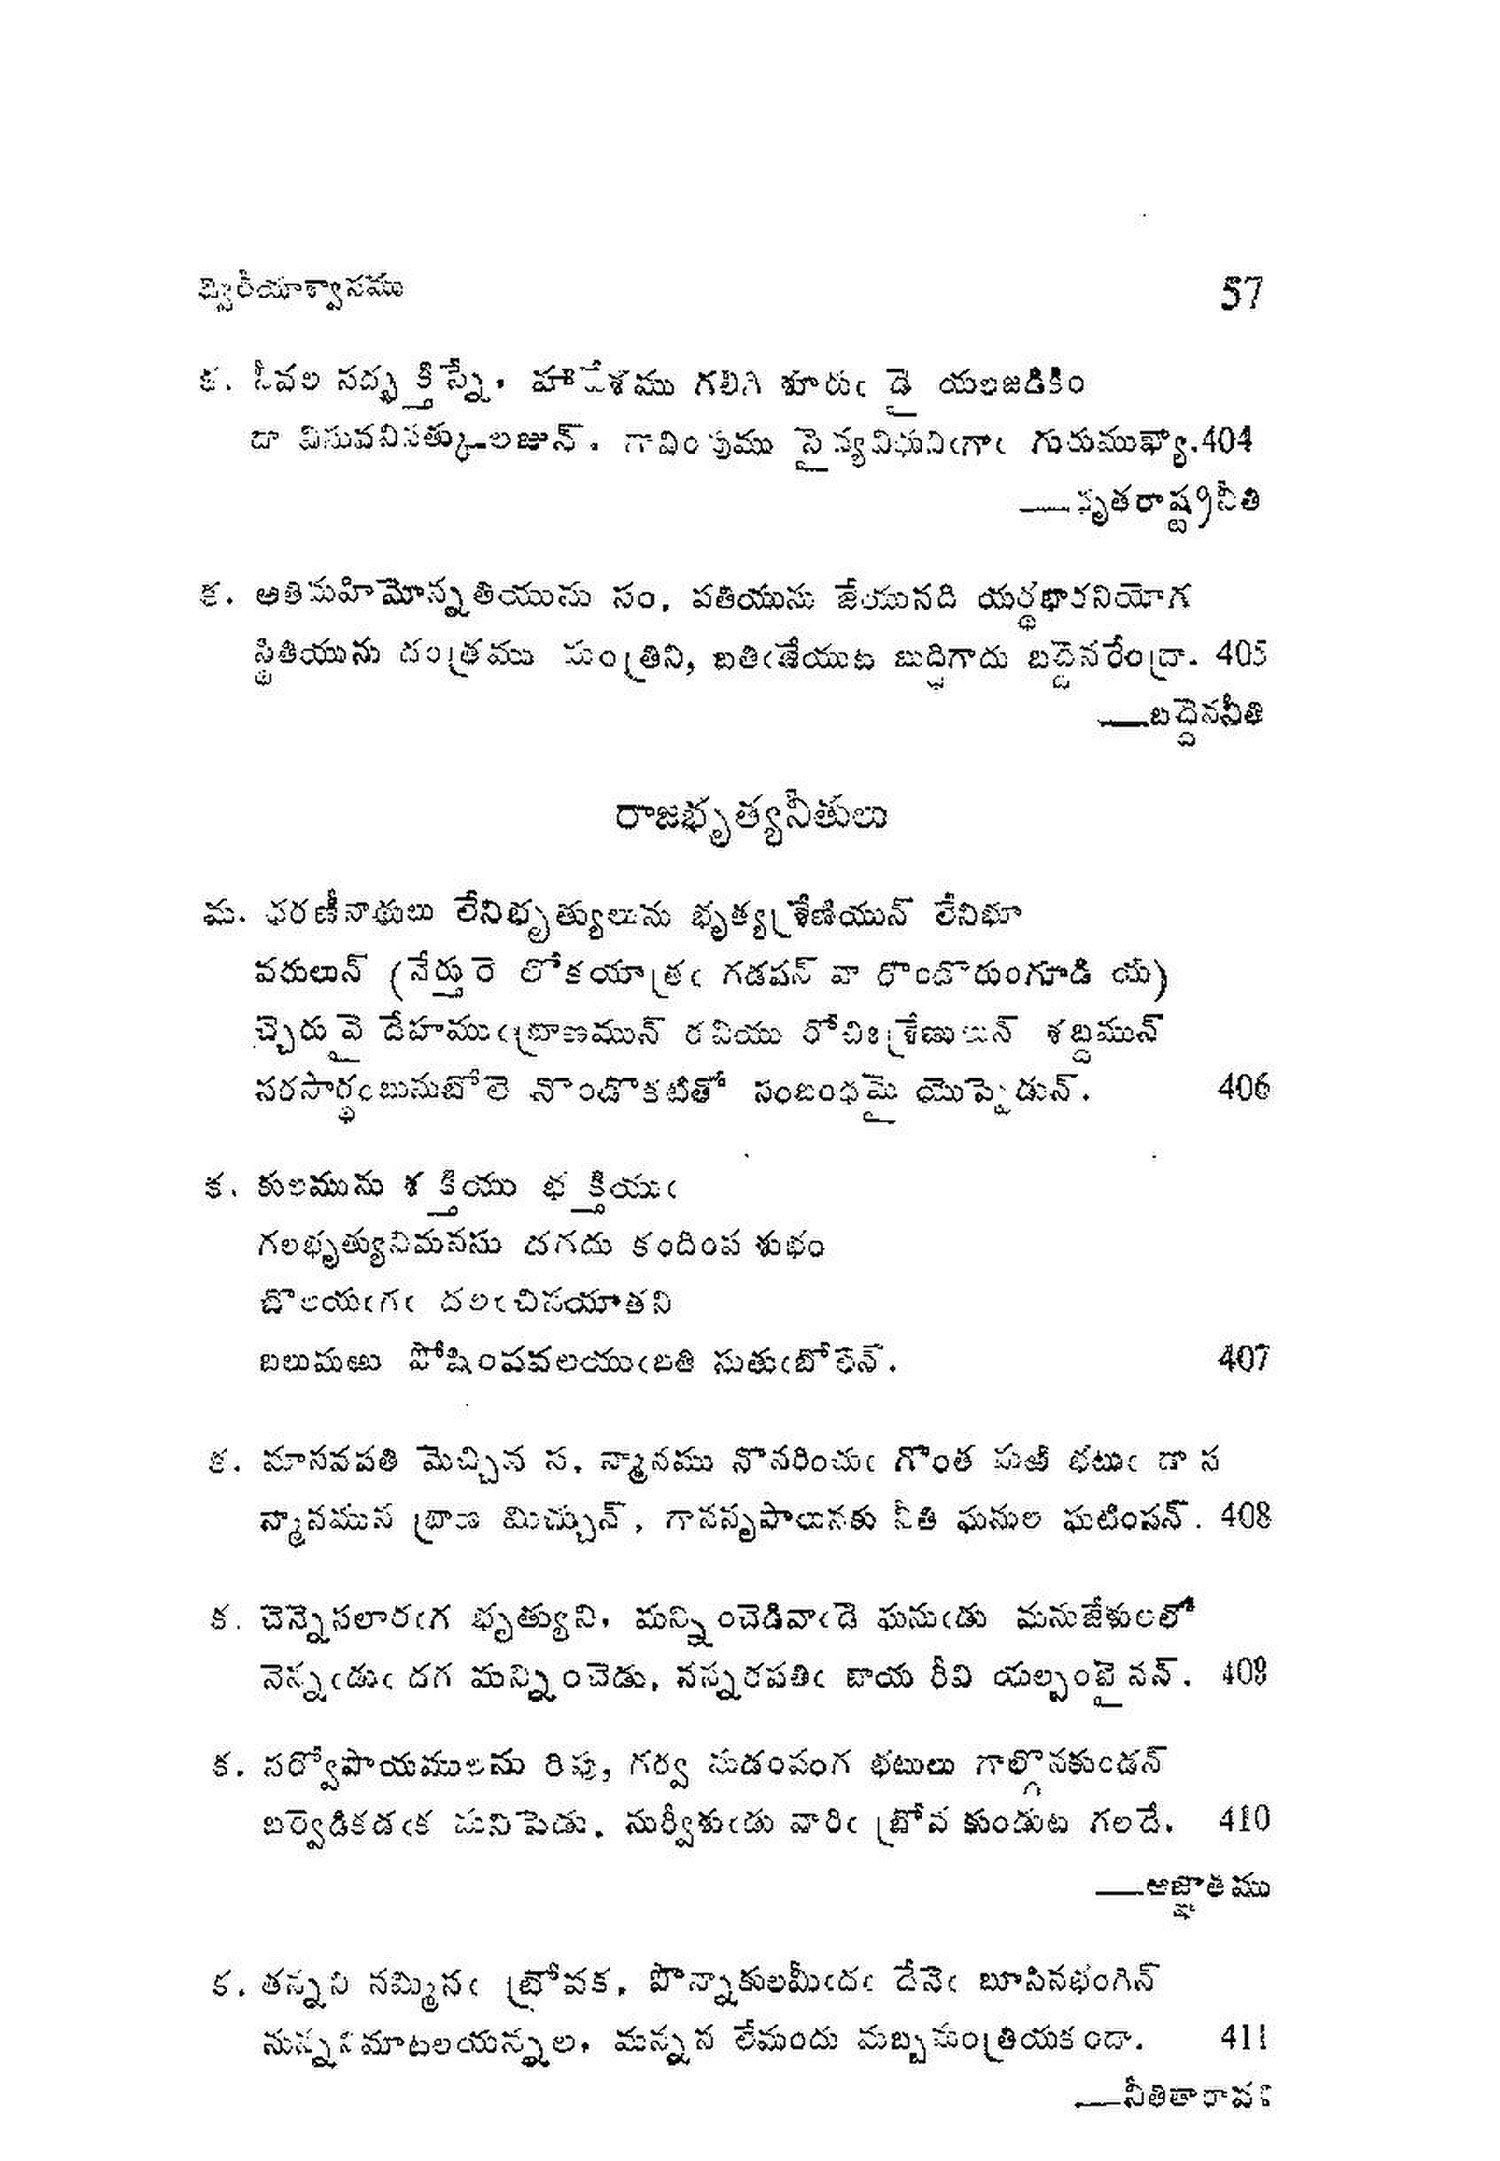క. నీవల సద్బక్తిస్నే
హావేశము గలిగి శూరుఁ డై యలజడికిం
దా విసువనిసత్కులజున్
గావింపుము సైన్యవిభునిఁగాఁ గురుముఖ్యా. 404

క. అతిమహిమోన్నతియును సం
పతియును జేయునది యర్థభారనియోగ
స్థితియును దంత్రము మంత్రిని
బతిఁజేయుట బుద్ధిగాదు బద్దెనరేంద్రా. 405

మ. ధరణీనాథులు లేని భృత్యులును భృత్యశ్రేణియున్ లేని భూ
వరులున్ (నేర్తురె లోకయాత్రఁ గడపన్ వా రొండొరుం గూడి య)
చ్చెరువై దేహముఁ బ్రాణమున్ రవియు రోచిఃశ్రేణులున్ శబ్దమున్
సరసార్థంబునుబోలె నొండొకటితో సంబంధమై యొప్పెడున్. 406

క. కులమును శక్తియు భక్తియుఁ
గల భృత్యుని మనసు దగదు కందింపం శుభం
బొలయఁగఁ దలఁచిన యాతని
బలుమఱు పోషింపవలయుఁ బతి సుతుఁబోలెన్. 407

క. మానవపతి మెచ్చిన స
న్మానము నొనరించుఁ గొంత మఱి భటుఁ డా స
న్మానమున బ్రాణ మిచ్చున్
గాన నృపాలునకు నీతి ఘనుల ఘటింపన్. 408

క. చెన్నెసలారఁగ భృత్యుని
మన్నించెడివాఁడె ఘనుఁడు మనుజేశులలో
నెన్నఁడుఁ దగ మన్నించెడు
నన్నరపతిఁ బాయ రీవి యల్పం బైనన్. 409

క. సర్వోపాయములను రిపు
గర్వ మడంపంగ భటులు గాల్గొనకుండన్
బర్వెడికడఁక మనిపెడు
నుర్వీశుఁడు వారిఁ బ్రోవకుండుట గలదే. 410

క. తన్నని నమ్మినఁ బ్రోవక
పొన్నాకులమీఁదఁ దేనెఁ బూసిన భంగిన్
నున్ననిమాటలయన్నల
మన్నన లేమందు మబ్బమంత్రియకందా. 411